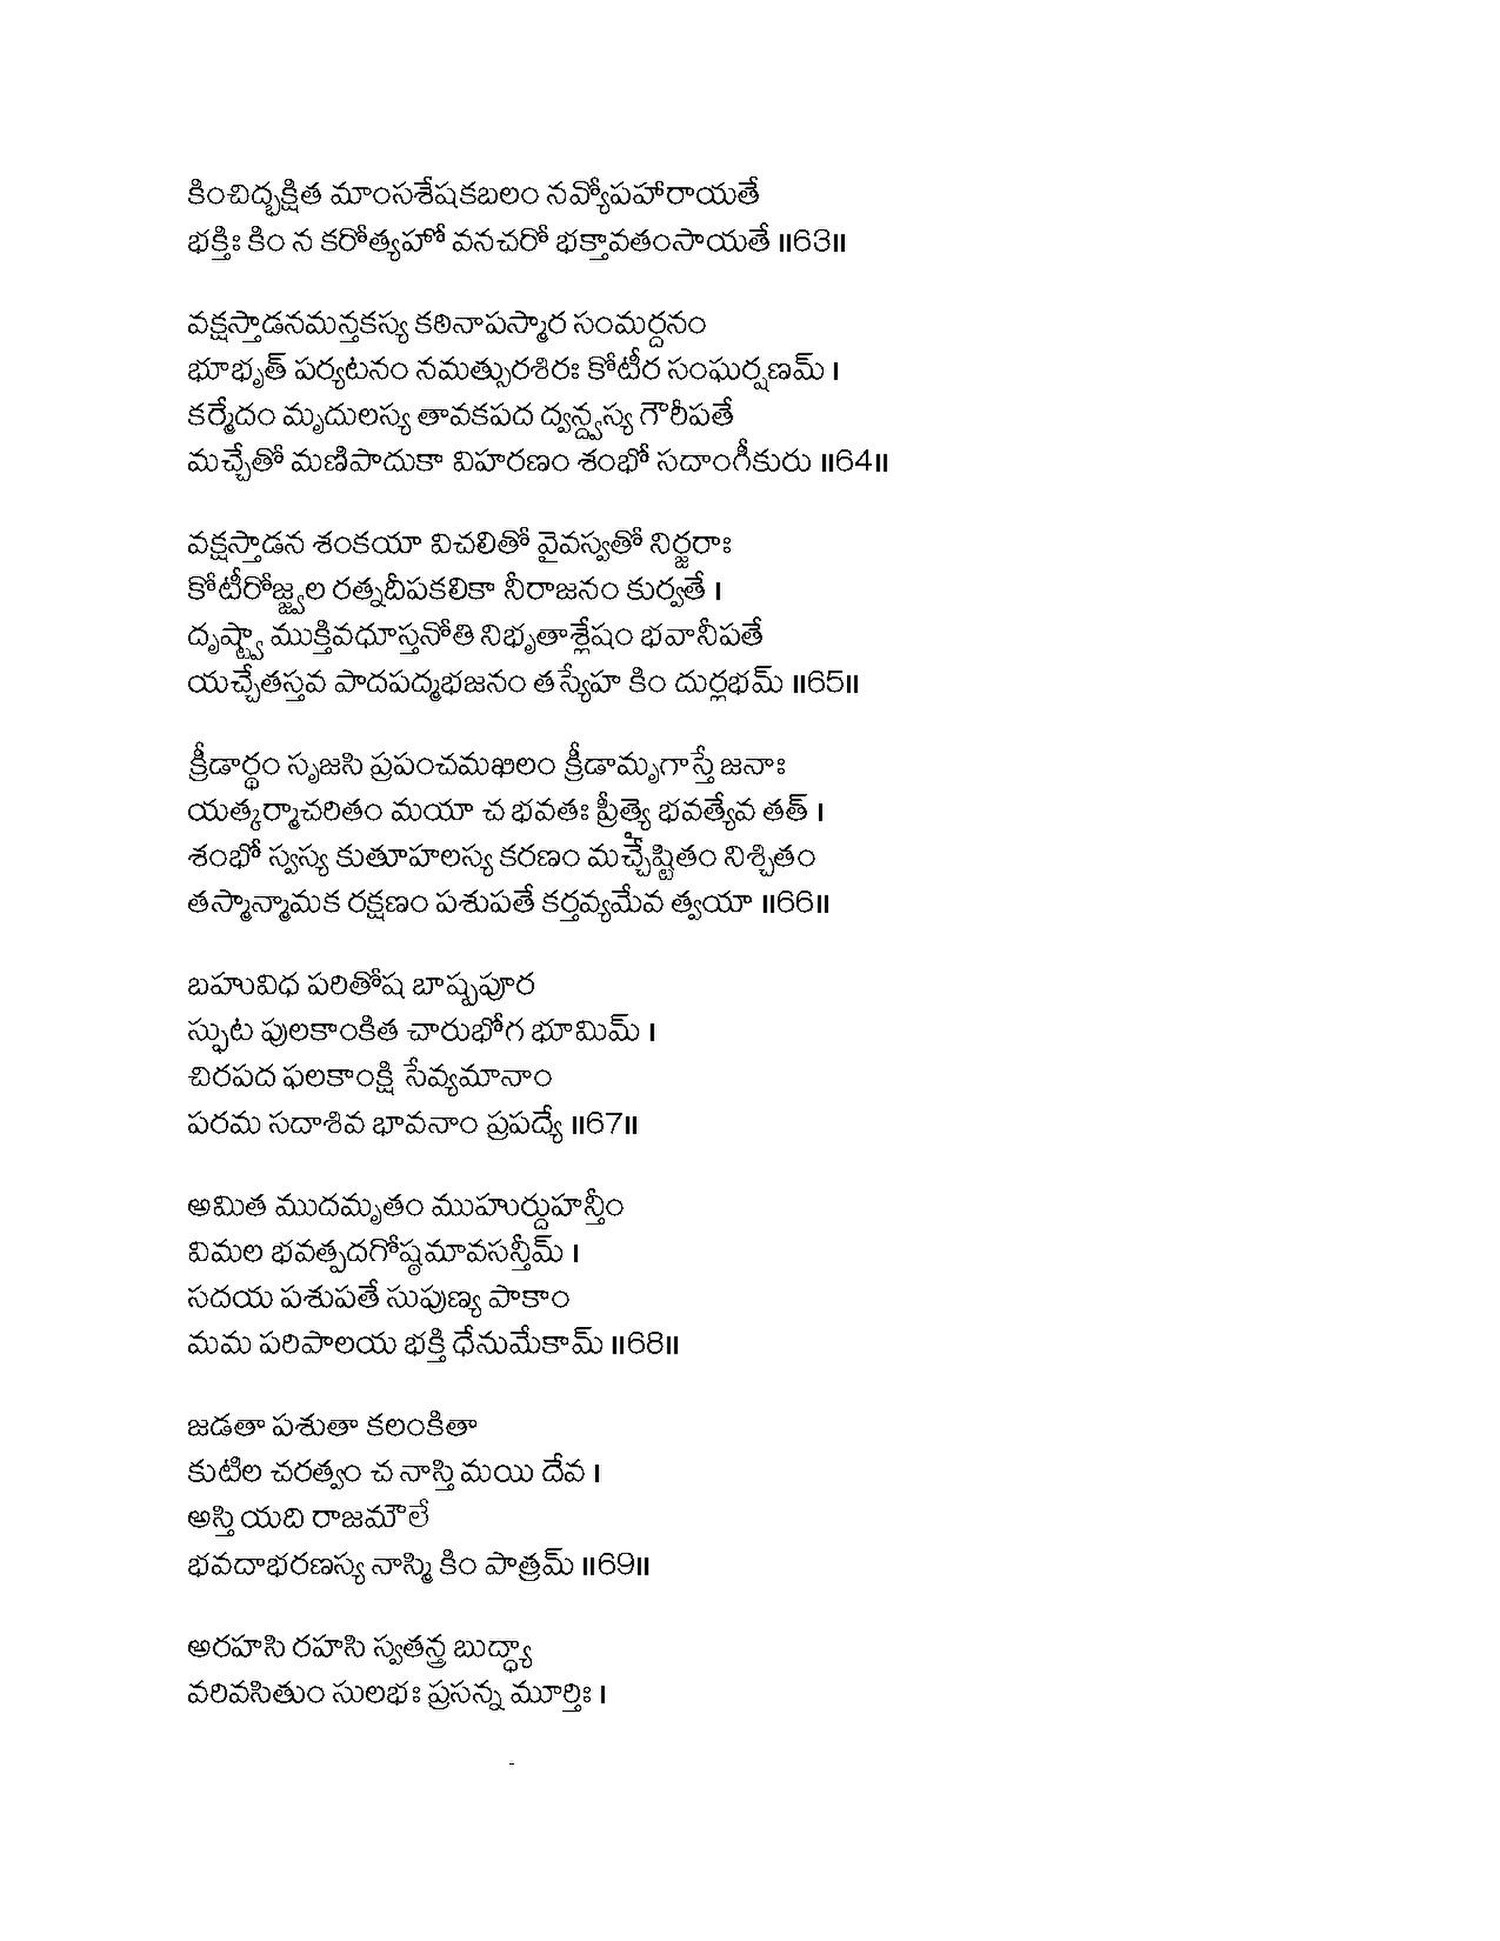కించిద్భక్షిత మాంసశేషకబలం నవ్యోపహారాయతే
భక్తిః కిం న కరోత్యహో వనచరో భక్తావతంసాయతే ||63||

వక్షస్తాడనమన్తకస్య కఠినాపస్మార సంమర్ధనం
భూభృత్ పర్యటనం నమత్సురశిరః కోటీర సంఘర్షణమ్ |
కర్మేదం మృదులస్య తావకపద ద్వన్ద్వస్య గౌరీపతే
మచ్చేతో మణిపాదుకా విహరణం శంభో సదాంగీకురు ||64||

వక్షస్తాడన శంకయా విచలితో వైవస్వతో నిర్జరాః
కోటీరోజ్జ్వల రత్నదీపకలికా నీరాజనం కుర్వతే |
దృష్ట్వా ముక్తివధూస్తనోతి నిభృతాశ్లేషం భవానీపతే
యచ్చేతస్తవ పాదపద్మభజనం తస్యేహ కిం దుర్లభమ్ ||65||

క్రీడార్థం సృజసి ప్రపంచమఖిలం క్రీడామృగాస్తే జనాః
యత్కర్మాచరితం మయా చ భవతఃప్రీత్యై భవత్యేవ తత్ |
శంభో స్వస్య కుతూహలస్య కరణం మచ్చేష్టితం నిశ్చితం
తస్మాన్మామక రక్షణం పశుపతే కర్తవ్యమేవ త్వయా ||66||

బహువిధ పరితోష బాష్పపూర
స్ఫుట పులకాంకిత చారుభోగ భూమిమ్|
చిరపద ఫలకాంక్షి సేవ్యమానాం
పరమ సదాశివ భావనాం ప్రపద్యే ||67||

అమిత ముదమృతం ముహుర్దుహన్తీం 
విమల భవత్పదగోష్ఠమావసన్తీమ్ |
సదయ పశుపతే సుపుణ్య పాకాం
మమ పరిపాలయ భక్తి ధేనుమేకామ్ ||68||

జడతా పశుతా కలంకితా
కుటిల చరత్వం చ నాస్తి మయి దేవ |
అస్తి యది రాజమౌలే
భవదాభరణస్య నాస్మి కిం పాత్రమ్ || 69||

అరహసి రహసి స్వతన్త్ర బుద్ధ్యా
వరివసితుం సులభః ప్రసన్న మూర్తిః |